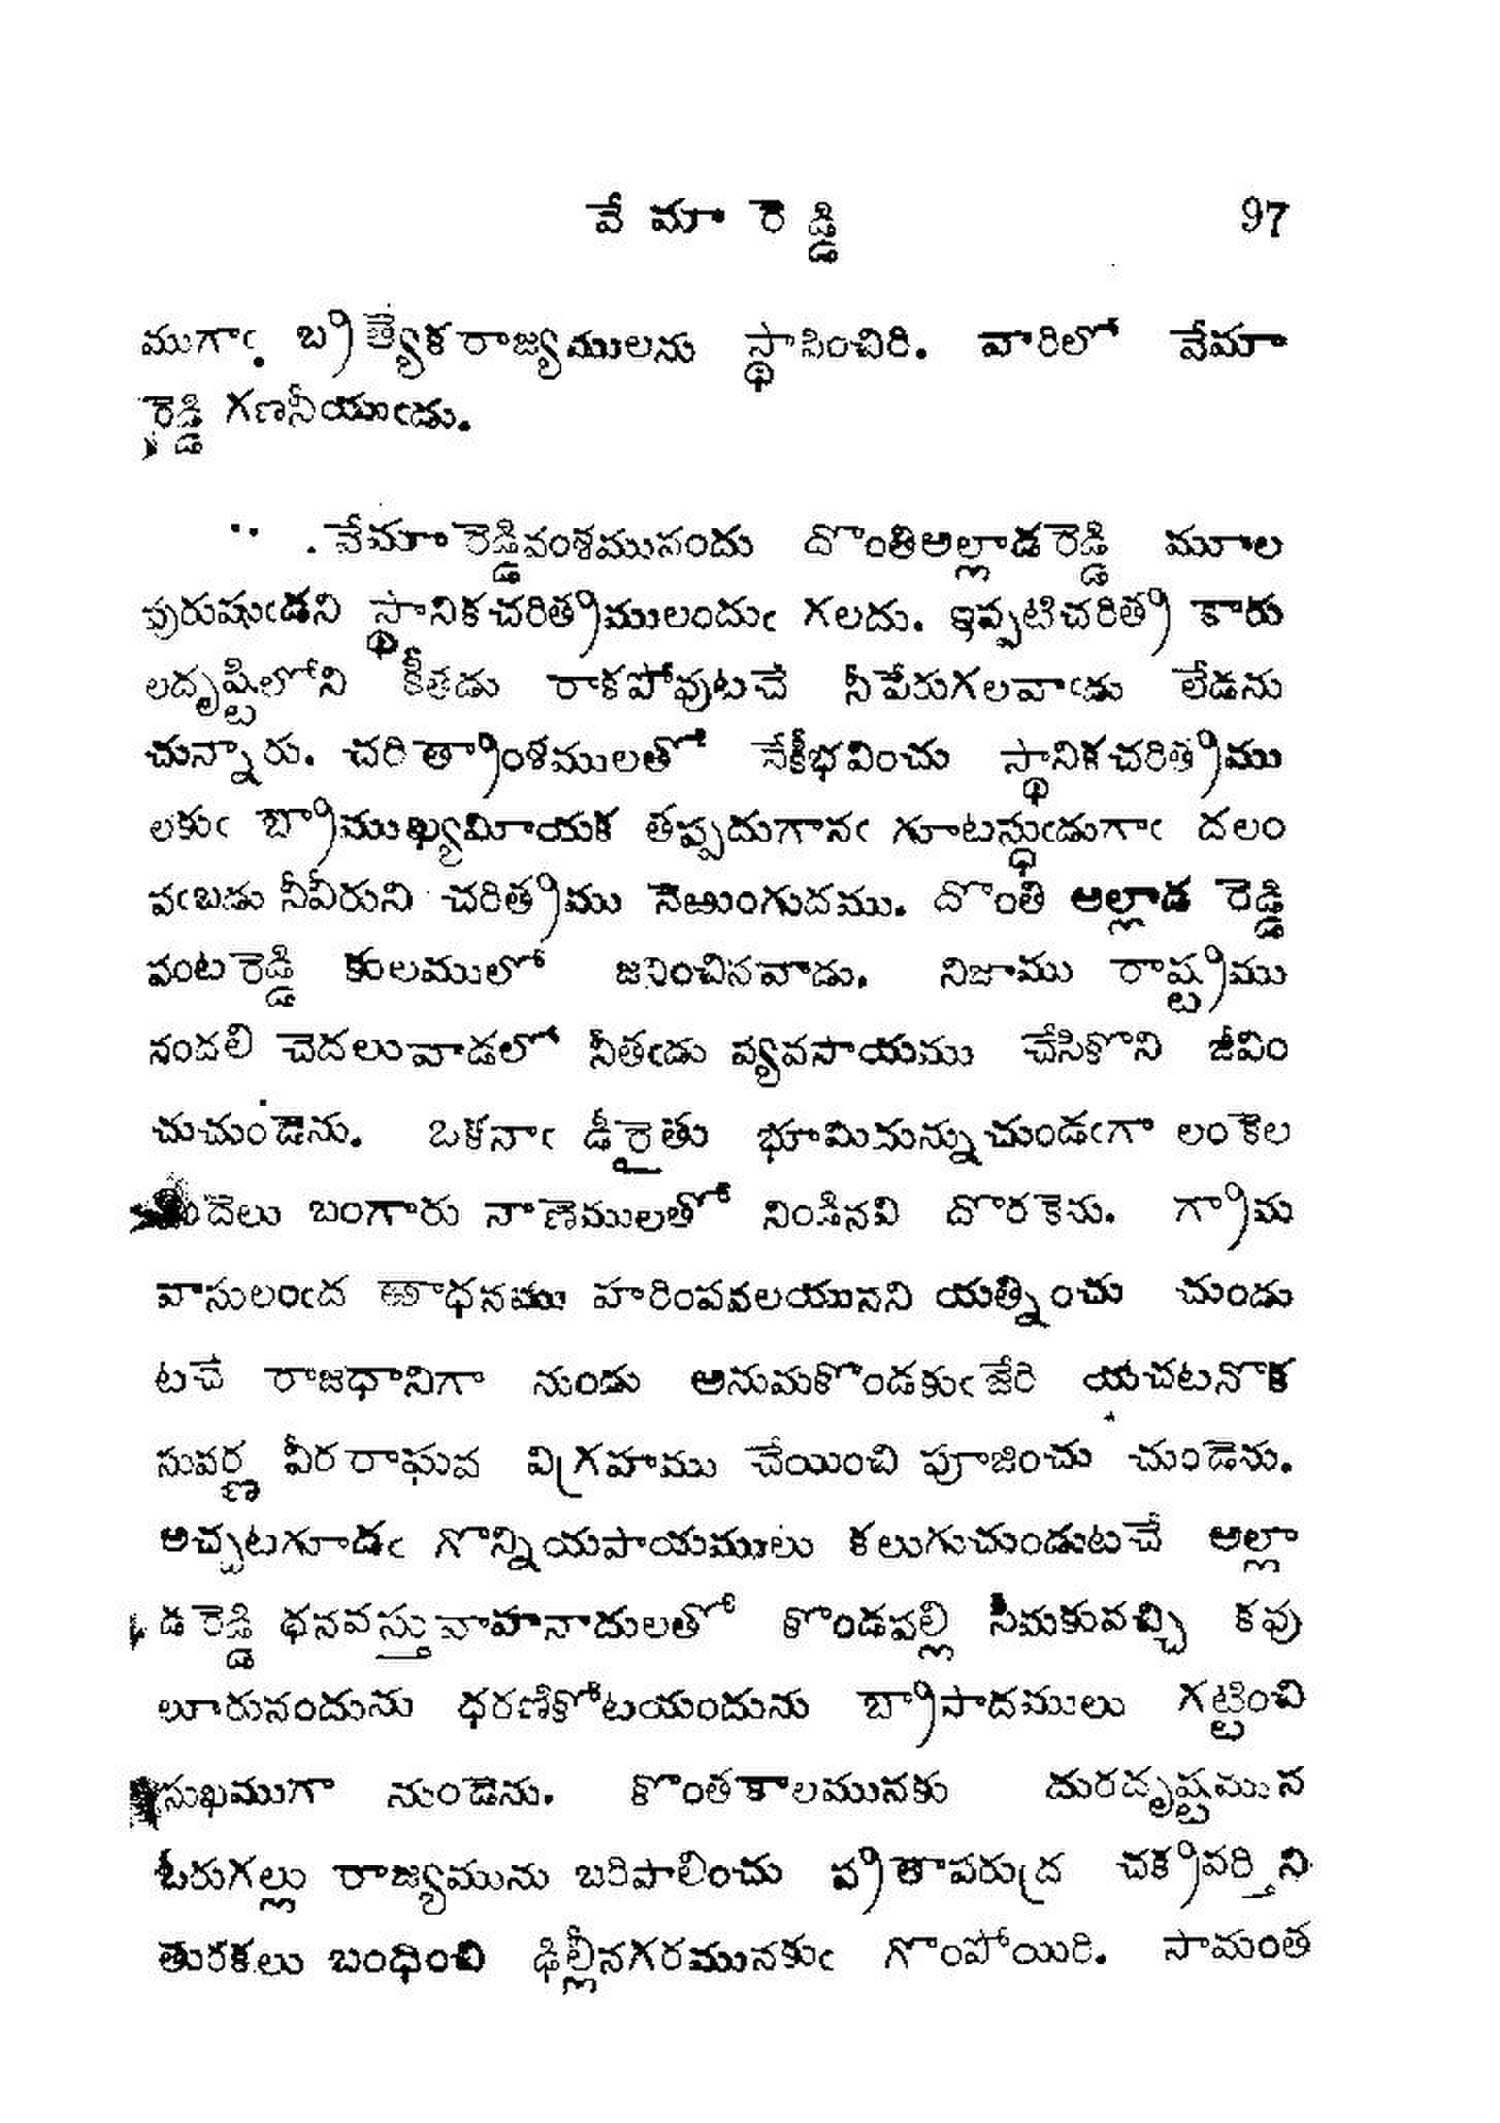ముగా బ్రత్యేకరాజ్యములను స్థాపించిరి. వారిలో వేమా రెడ్డి గణనీయుడు.

వేమారెడ్డివంశమునందు దొంతిఅల్లాడరెడ్డి మూలపురుషుడని స్థానికచరిత్రములందు గలదు. ఇప్పటిచరిత్ర కారులదృష్టిలోని కీతడు రాకపోవుటచే నీపేరుగలవాడు లేడను చున్నారు. చరిత్రాంశములతో నేకీభవించు స్థానికచరిత్రములకు బ్రాముఖ్యమీయక తప్పదుగాన గూటస్ధుడుగా దలంపబడు నీవీరుని చరిత్రము నెఱుంగుదము. దొంతి అల్లాడ రెడ్డి పంటరెడ్డి కులములో జనించినవాడు. నిజాము రాష్ట్రమునందలి చెదలువాడలో నీతడు వ్యవసాయము చేసికొని జీవించుచుండెను. ఒకనా డీరైతు భూమిదున్నుచుండగా లంకెలబిందెలు బంగారు నాణెములతో నిండినవి దొరకెను. గ్రామవాసులంద ఱాధనము హరింపవలయునని యత్నించు చుండుటచే రాజధానిగా నుండు అనుమకొండకుజేరి యచటనొక సువర్ణ వీరరాఘవ విగ్రహము చేయించి పూజించు చుండెను. అచ్చటగూడ గొన్నియపాయములు కలుగుచుండుటచే అల్లాడరెడ్డి ధనవస్తువాహనాదులతో కొండపల్లి సీమకువచ్చి కవులూరునందును ధరణికోటయందును బ్రాసాదములు గట్టించి సుఖముగా నుండెను. కొంతకాలమునకు దురదృష్టమున ఓరుగల్లు రాజ్యమును బరిపాలించు ప్రతాపరుద్ర చక్రవర్తిని తురకలు బంధించి డిల్లీనగరమునకు గొంపోయిరి. సామంత